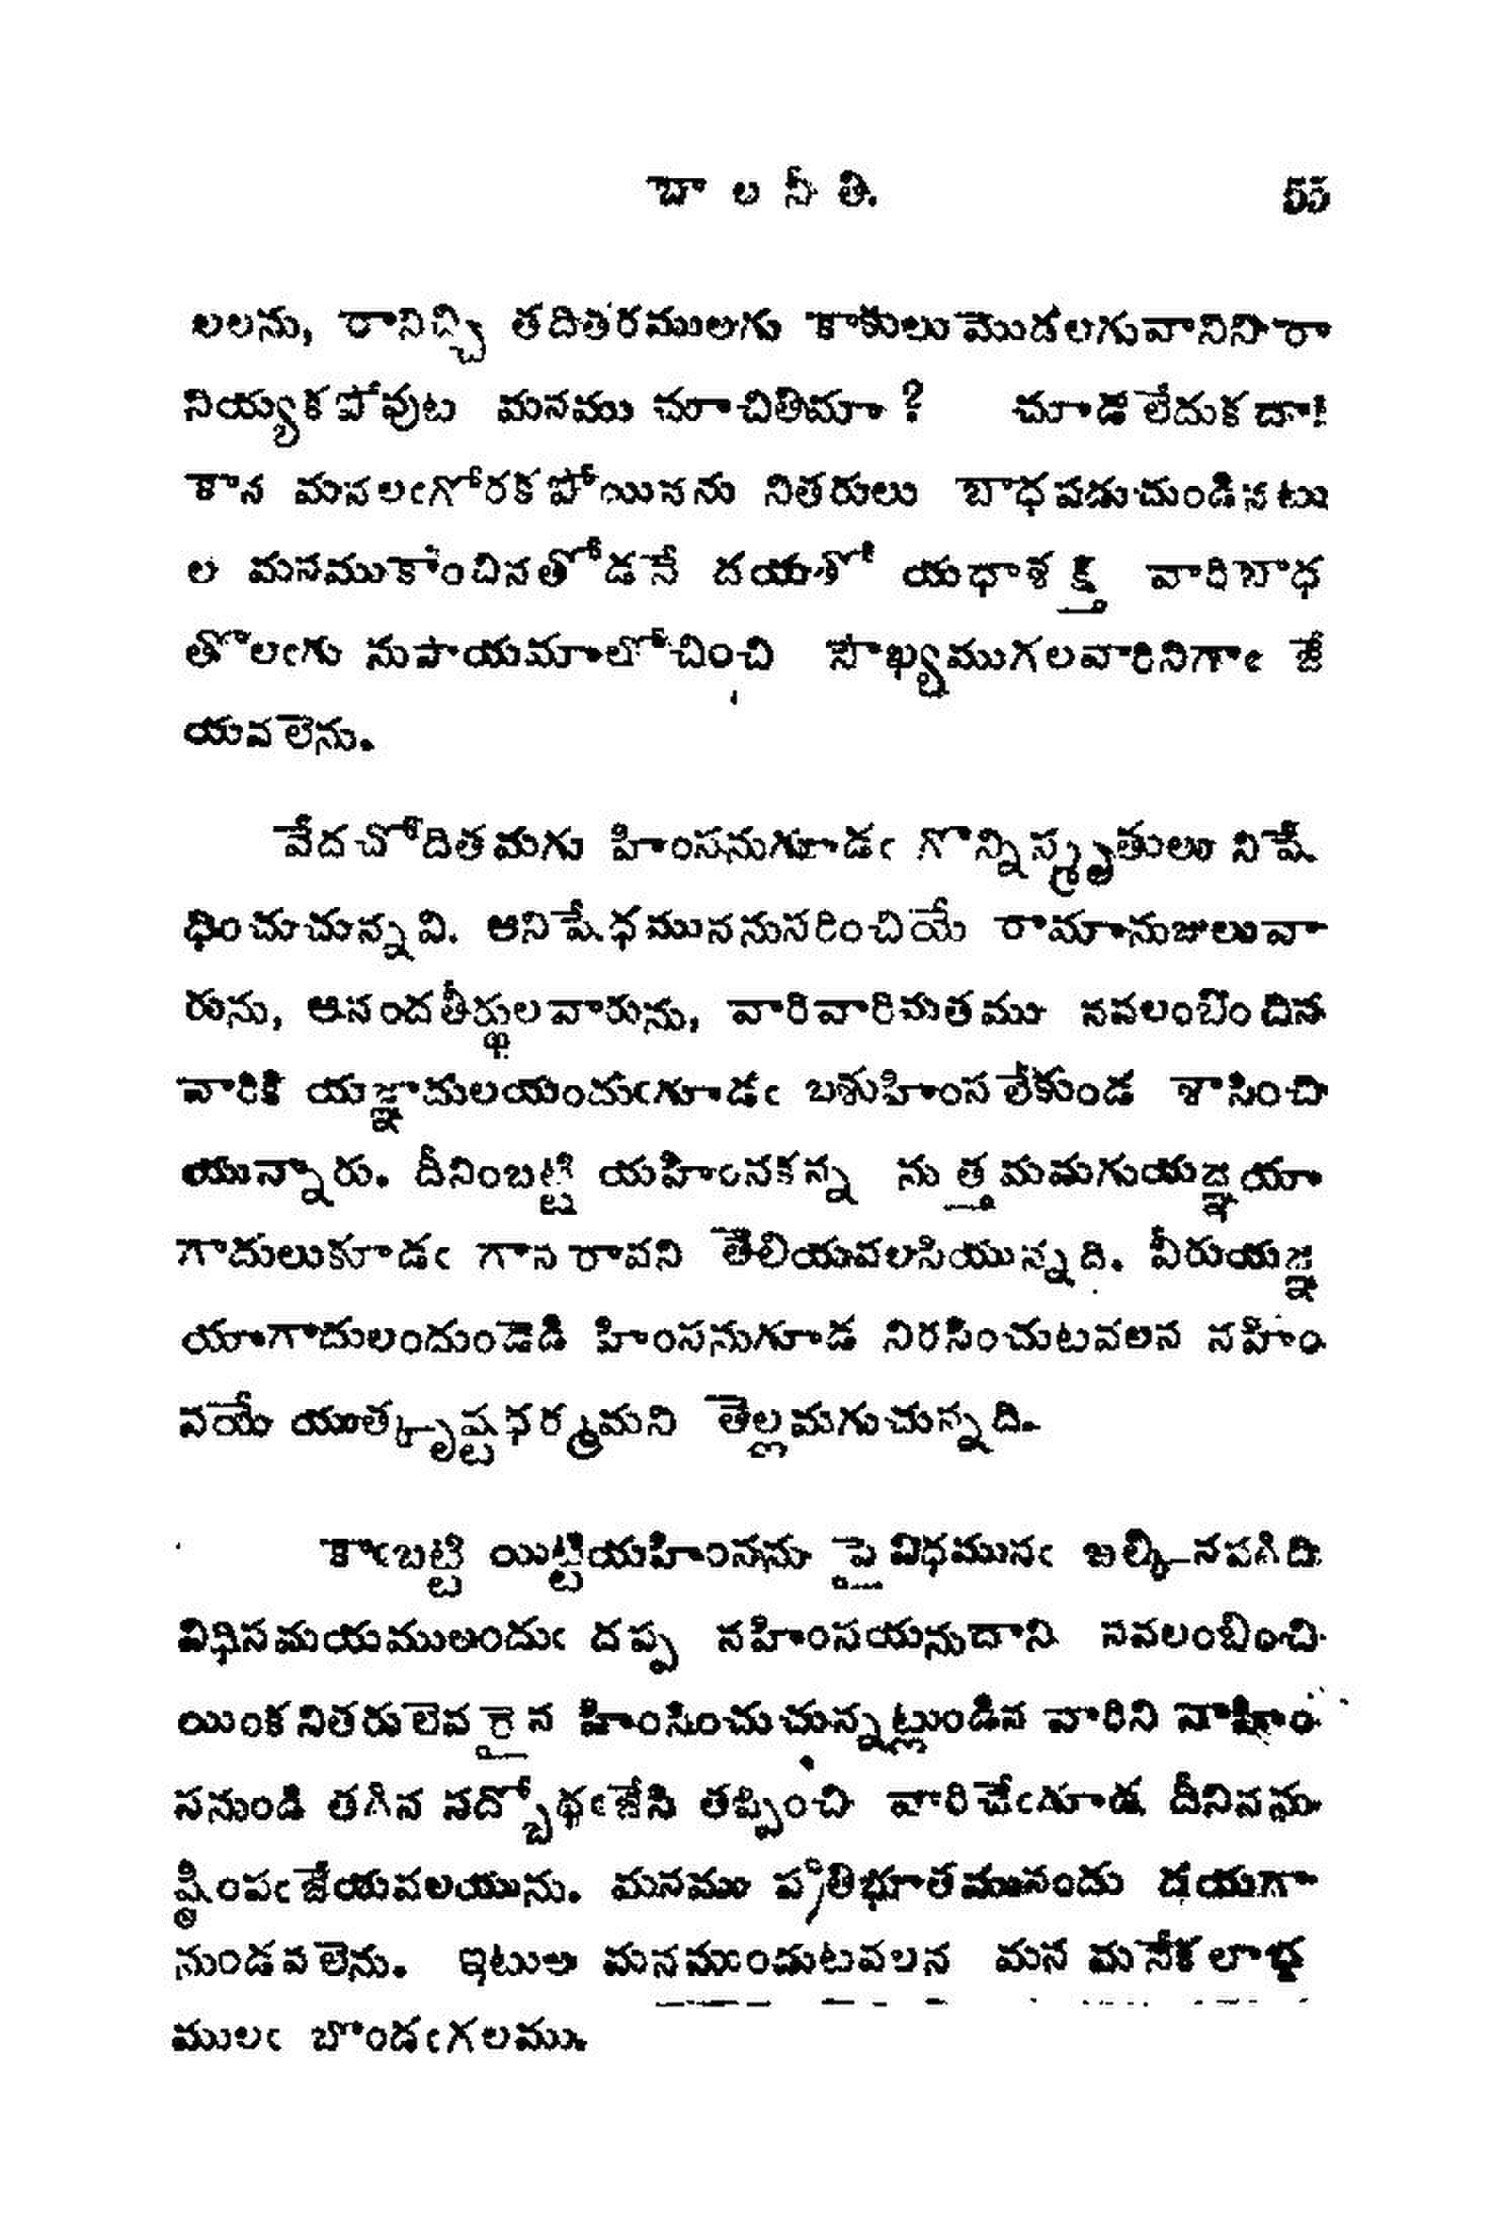లలను, రానిచ్చి తదితరములగు కాకులుమొదలగువానినిరా
నియ్యకపోవుట మనము చూచితిమా? చూడలేదుకదా! 
కాన మనలఁగోరకపోయినను నితరుల బాధపడుచుండినటు
ల మనముకాంచినతోడనే దయతో యధాశక్తి వారిబాధ 
తొలఁగు నుపాయమాలోచించి సౌఖ్యముగలవారినిగాఁ జే
యవలెను.

వేదచోదితమగు హింసనుగూడఁ గొన్నిస్మృతులు నిషే
ధించుచున్నవి. ఆనిషేధముననుసరించియే రామానుజులువా
రును, ఆనందతీర్థులవారును, వారివారిమతము నవలంబించిన 
వారికి యజ్ఞాదులయందుఁగూడఁ బశుహింసలేకుండ శాసించి 
యున్నారు. దీనింబట్టి యహింసకన్న నుత్తమమగుయజ్ఞయా 
గాదులుకూడఁ గానరావని తెలియవలసియున్నది. వీరుయజ్ఞ
యాగాదులందుండెడి హింసనుగూడ నిరసించుటవలన నహిం
సయే యుత్కృష్టధర్మమని తెల్లమగుచున్నది.

కాఁబట్టి యట్టియహింసను పైవిధమునఁ బల్కినపగిది 
విధిసమయములందుఁ దప్ప నహింసయనుదాని నవలంబించి 
యింకనితరులెవరైన హింసించుచున్నట్లుండిన వారిని నాహిం
సనుండి తగిన నద్భోథఁజేసి తప్పించి వారిచేఁగూడ దీనినను 
ష్ఠింపఁజేయవలయును. మనము ప్రతిభూతమునందు దయగా 
నుండవలెను. ఇటుల మనముండుటవలన మన మనేక లాభ
ములఁ బొందఁగలము.